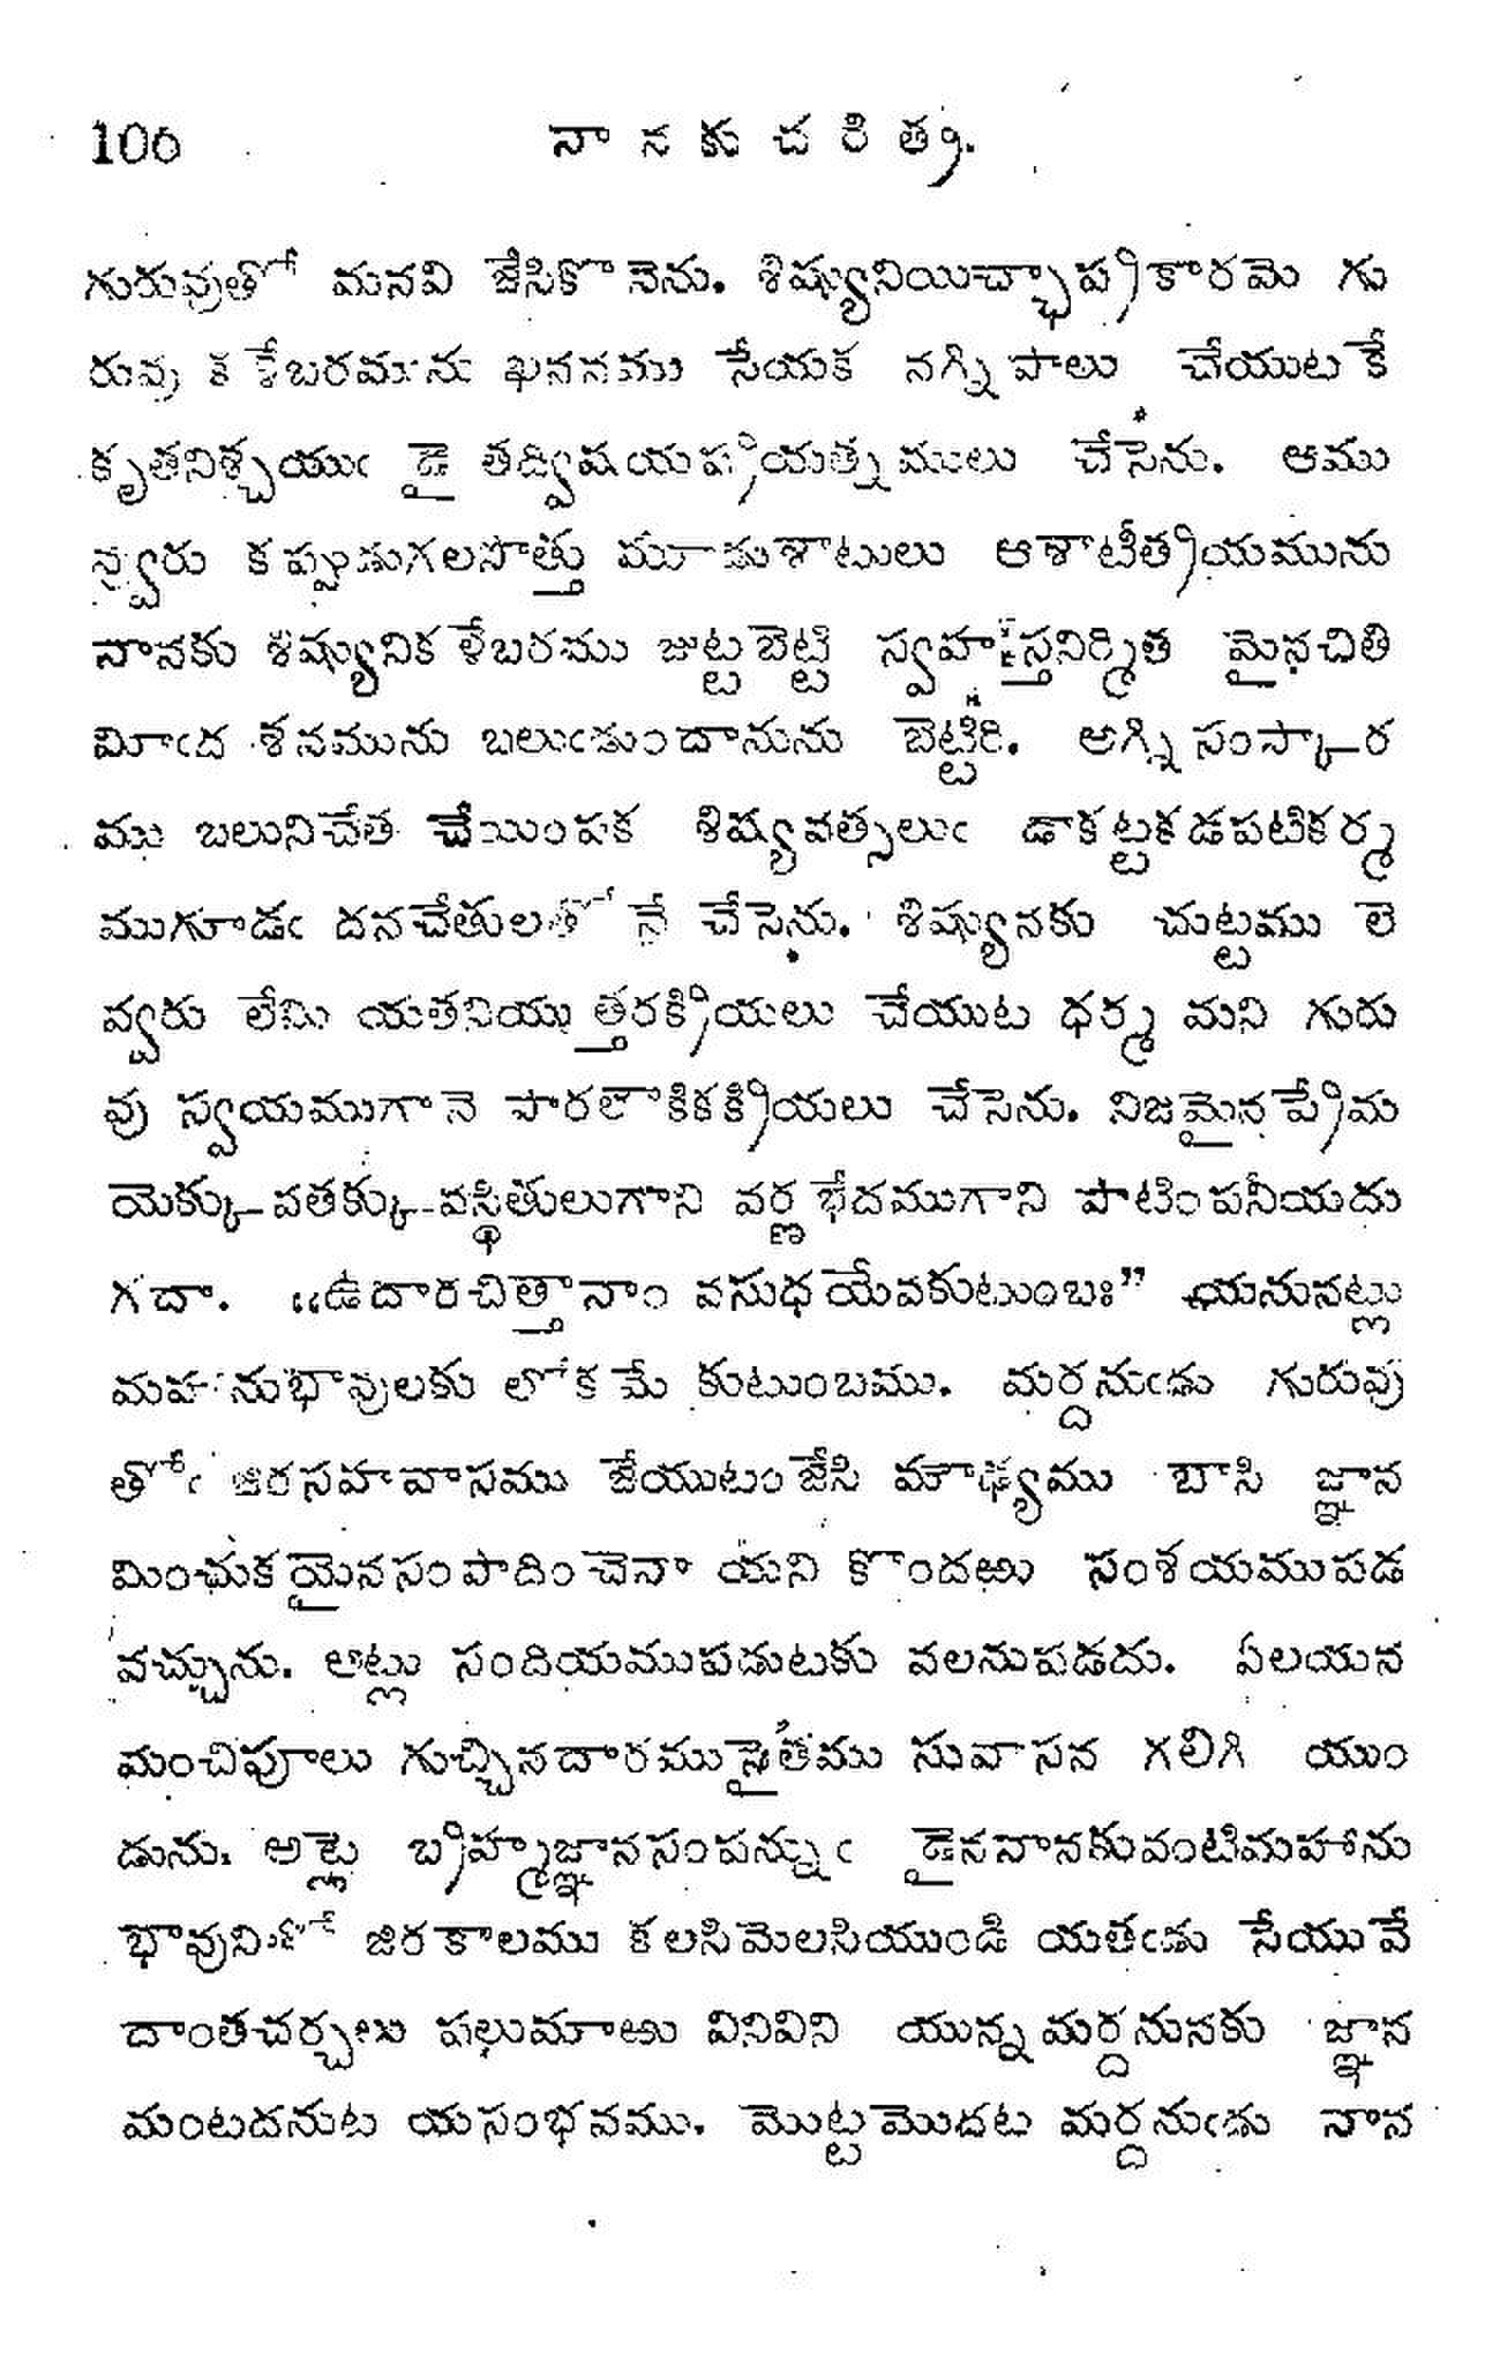గురువుతో మనవి జేసికొనెను. శిష్యునియిచ్ఛాప్రకారమె గురువు కళేబరమును ఖననము సేయక నగ్నిపాలు చేయుటకే కృతనిశ్చయుడై తద్విషయప్రయత్నములు చేసెను. ఆమువ్వురు కప్పుడుగలసొత్తు మూడుశాటులు ఆశాటీత్రయమును నానకు శిష్యునికళేబరము జుట్టబెట్టి స్వహస్తనిర్మిత మైనచితి మీద శవమును బలుడుందానును బెట్టిరి. అగ్నిసంస్కారము బలునిచేత చేయింపక శిష్యవత్సలు డాకట్టకడపటికర్మముగూడ దనచేతులతోనే చేసెను. శిష్యునకు చుట్టము లెవ్వరు లేమి యతనియుత్తరక్రియలు చేయుట దర్మమని గురువు స్వయముగానె పారలౌకికక్రియలు చేసెను. నిజమైనప్రేమ యెక్కువతక్కువస్థితులుగాని వర్ణభేదముగాని పాటింపనీయదుగదా. "ఉదారచిత్తానాం వసుధయేవకుటుంబ:" యనునట్లు మహానుభావులకు లోకమే కుటుంబము. మర్దనుడు గురువుతో జిరసహవాసము జేయుటంజేసి మౌడ్యము బాసి జ్ఞానమించుకయైనసంపాదించెనా యని కొందఱు సంశయముపడవచ్చును. అట్లు సందియముపడుటకు వలనుపడదు. ఏలయన మంచిపూలు గుచ్చినదారముసైతము సువాసన గలిగి యుండును. అట్లె బ్రహ్మజ్ఞానసంపన్ను డైననానకువంటిమహానుభావునితో జిరకాలము కలసిమెలసియుండి యతడు సేయువేదాంతచర్చలు పలుమాఱు వినివిని యున్న మర్దనునకు జ్ఞాన మంటదనుట యసంభవము. మొట్టమొదట మర్దనుడు నాన